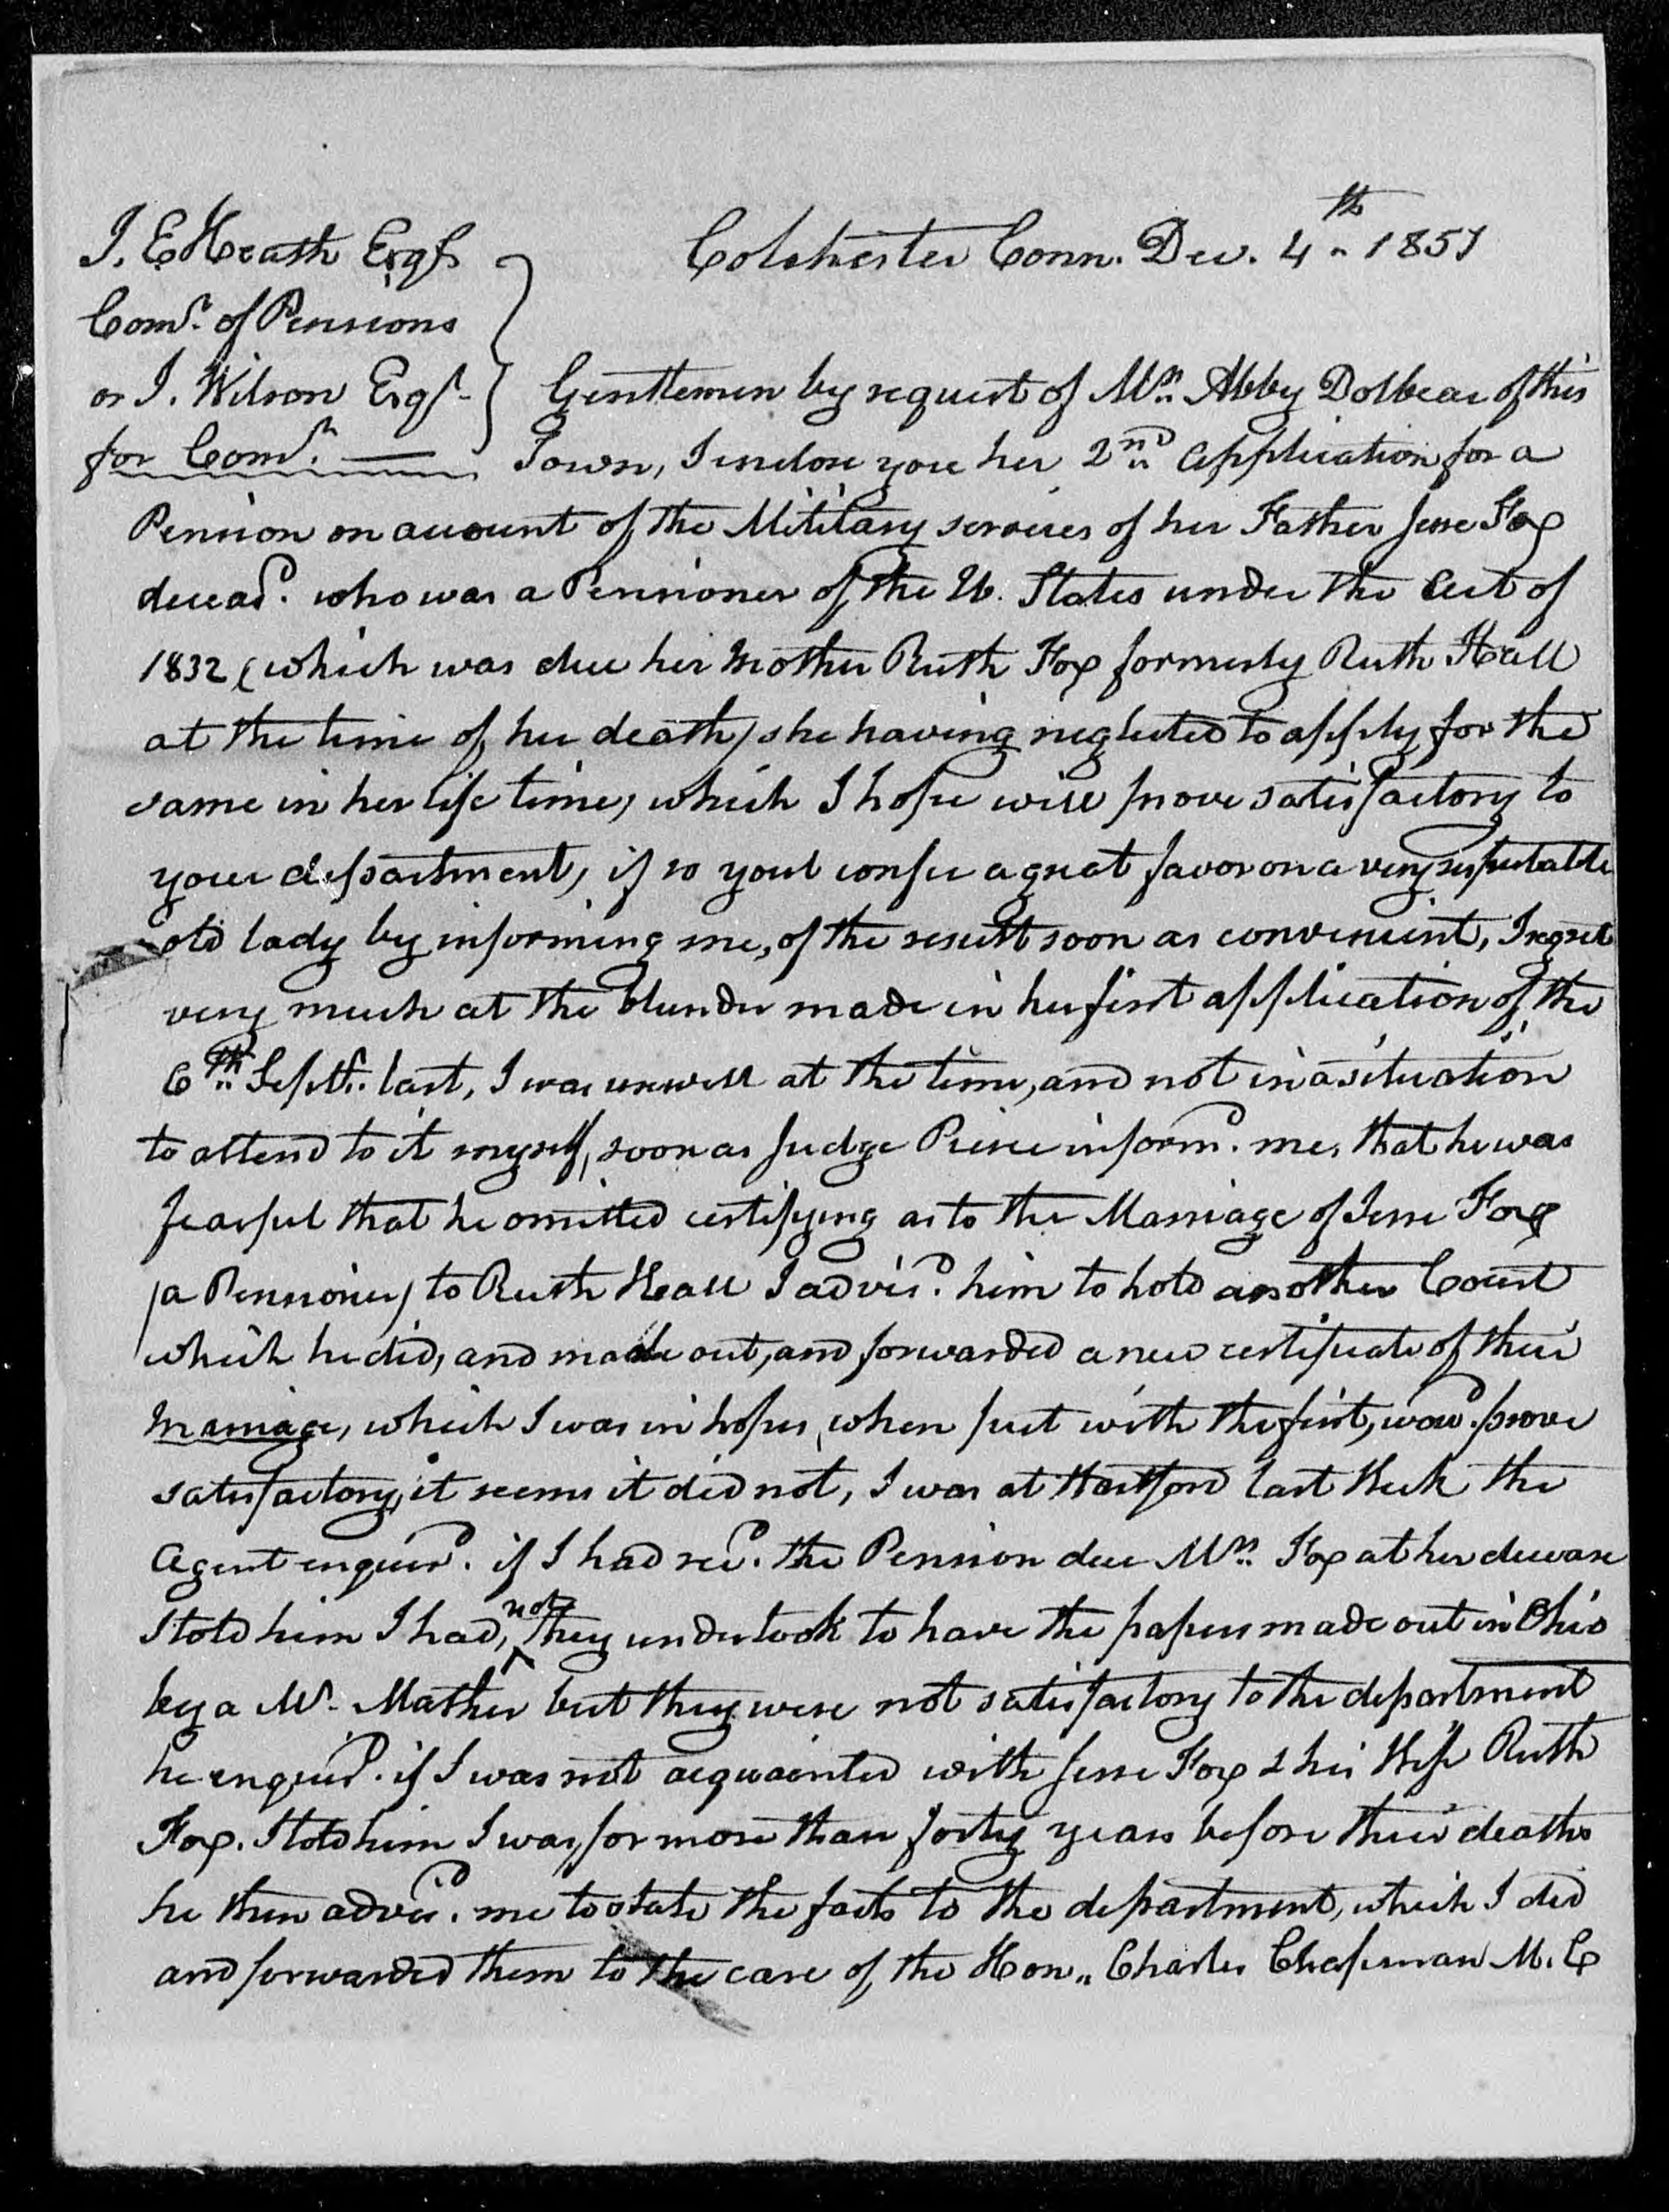J. E> Heath Esq
Commr of Pensions} Colchester Conn. Dec. 4th 1857

Gentlemen by request of Mrs. Abby Dolbear of this Town, I enclose you her 2nd application for a pension on account of the military services if her Father Jesse Fox deceasd who was a pensioner of the U States under the act of 1832 (which was due her Mother Ruth Fox formerly Ruth Hall at the time of her death) she having neglected to apply for the same in her life time, which I hope will prove satisfactory to your department, of so you confer a great favor on a very respectable old lady by informing me of the result soon as convenient, I regret very much at the blunder made in her first application of the 6th Sept. last, I was unwell at the time, and not in a situation to attend to it myself, soon as Judge Pierce informd me, that he was fearful that he omitted certifying as to the marriage of Jesse Fox (a pensioner) to Ruth Hall I advised him to hold another Court which he did, and made out, and forwarded a new certificate of their marriage, which I was in hopes, when put with the first, now proves satisfactory, it seem it did not, I was at Hartford last [unk] the agent inquird of I had recd the pension due Mrs. Fox at her [unk] & told him I had not they undertook to have the papers made out in Ohio by a W. Mather but they were not satisfactory to the department he enquird of I was not acquainted with Jesse Fox & his wife Ruth Fox, s& I told him I was for more than forty years before their deaths, he then advisd me to state the facts to the department, which I did and forwarded them to the care of the Hon. Charles Chapman MC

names: Ruth Fox, Ruth Hall, Jesse Fox, Abby Dolbear, Charles Chapman, Jesse Fox, Fox, J E Heath, Jesse Fox, Ruth Hall, Ruth Fox, J Wilson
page: 38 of 53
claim: rejected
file: R. 3732, Jesse Fox, Conn.